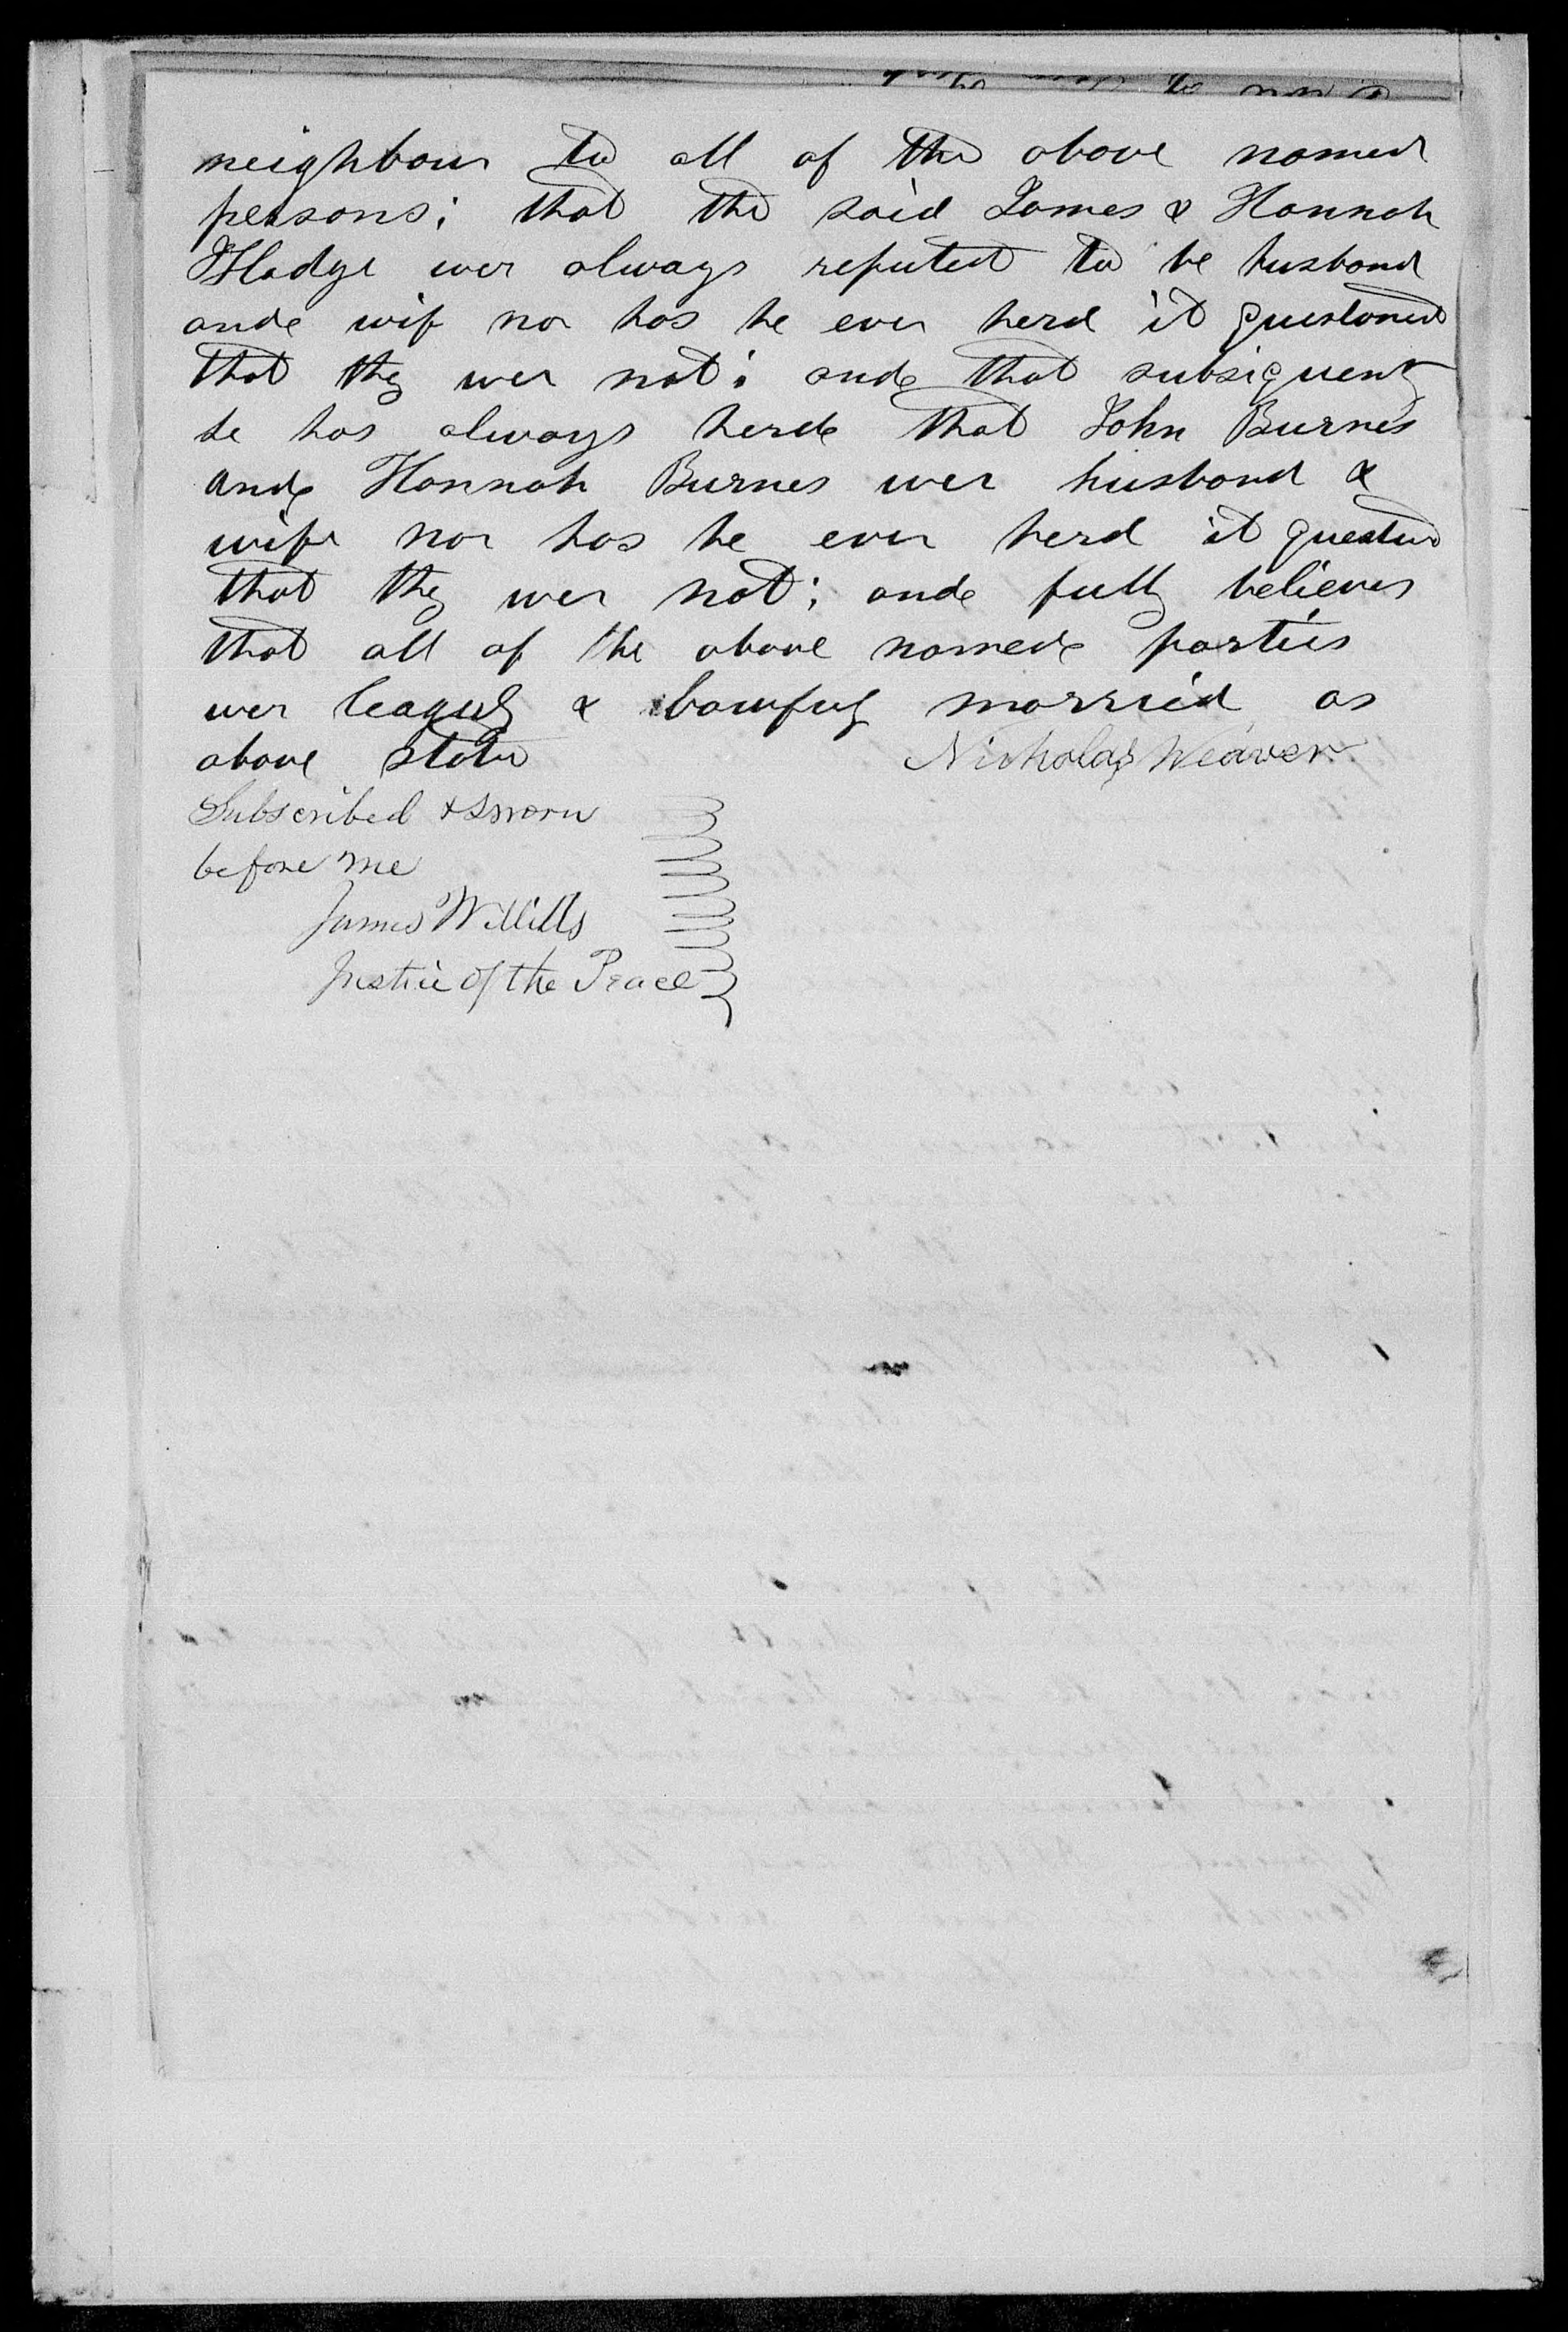neighbors to all of the above named persons; that the said James & Hannah Gladys ever always reputed to be husband and wif nor has he even herd it questioned that they wer not; and that subsiquent he has always herde that John Burne's and Hannah Burnes wer husband & wife nor had he ever herd it question that they wer not; and fully believes that all of the above named parties wer leagulyy & bourfry married as aboved states. Nicholas Weaver
subscribed and sworn before me
James W Mills Justice of the Peace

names: Hannah Burnes, John Burnes, Hannah Hodge, James Hodge, Nicholas Weaver, James W Mills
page: 40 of 48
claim: widow's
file: W. 10476, James Hodge, New York